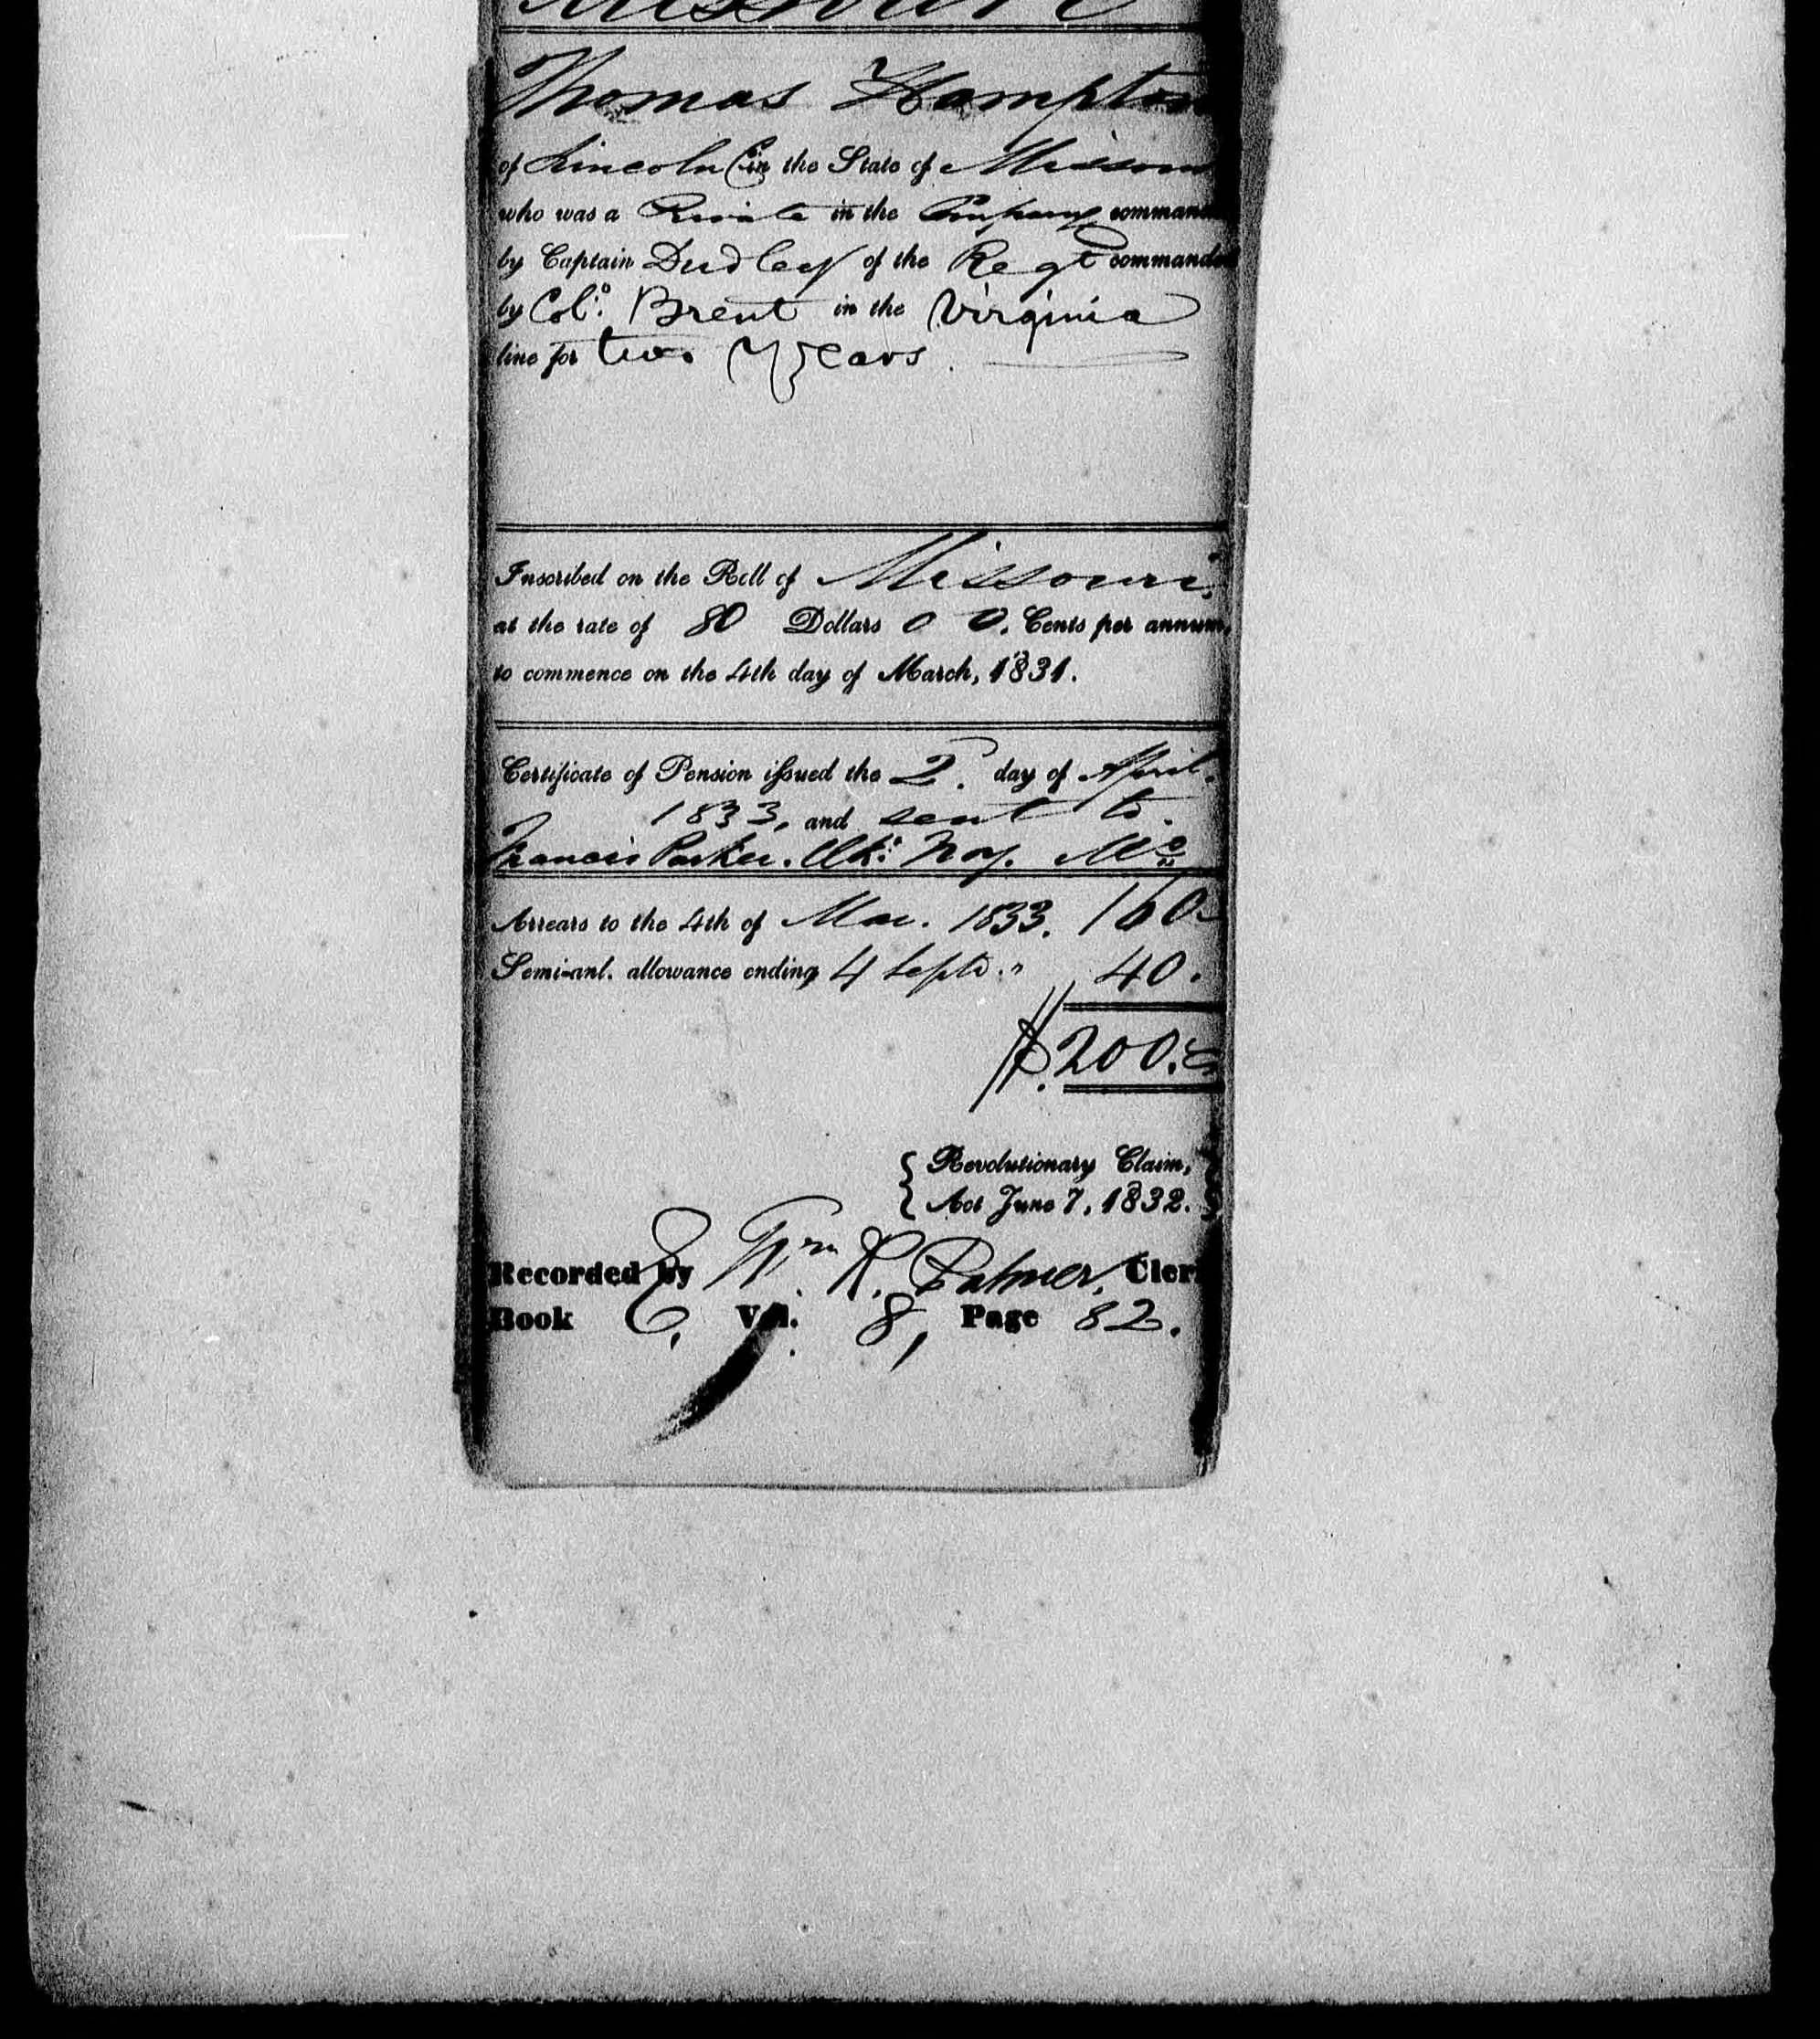Thomas Hampton
of Lincoln Co in the State of Missouri
who was a Private in the Company commanded by Captain Dudley of the Regt commanded by Colo. Brent in the Virginia line for two years.
Inscribed on the Roll of Missouri.
at the rate of 80 Dollars 00 Cents per annum, to commence on the 4th day of March, 1831.
Certificate of Pension issued the 2d. day of April. 
1833, and sent to
Francis Parker. Clk. NY. MC
Arrears to the 4th of Mar. 1833. 160
Semi-anl. allowance ending 4 Sept " 40.
$200.00
Revolutionary Claim,
Act June 7, 1832.
Recorded by Wm R. Palmer Clerk
Book 6, Vol. 8, Page 82.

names: Dudley, Thomas Hampton, Wm R Palmer, Francis Parker, Brent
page: 2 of 26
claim: survivor's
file: S. 16842, Thomas Hampton, Va.